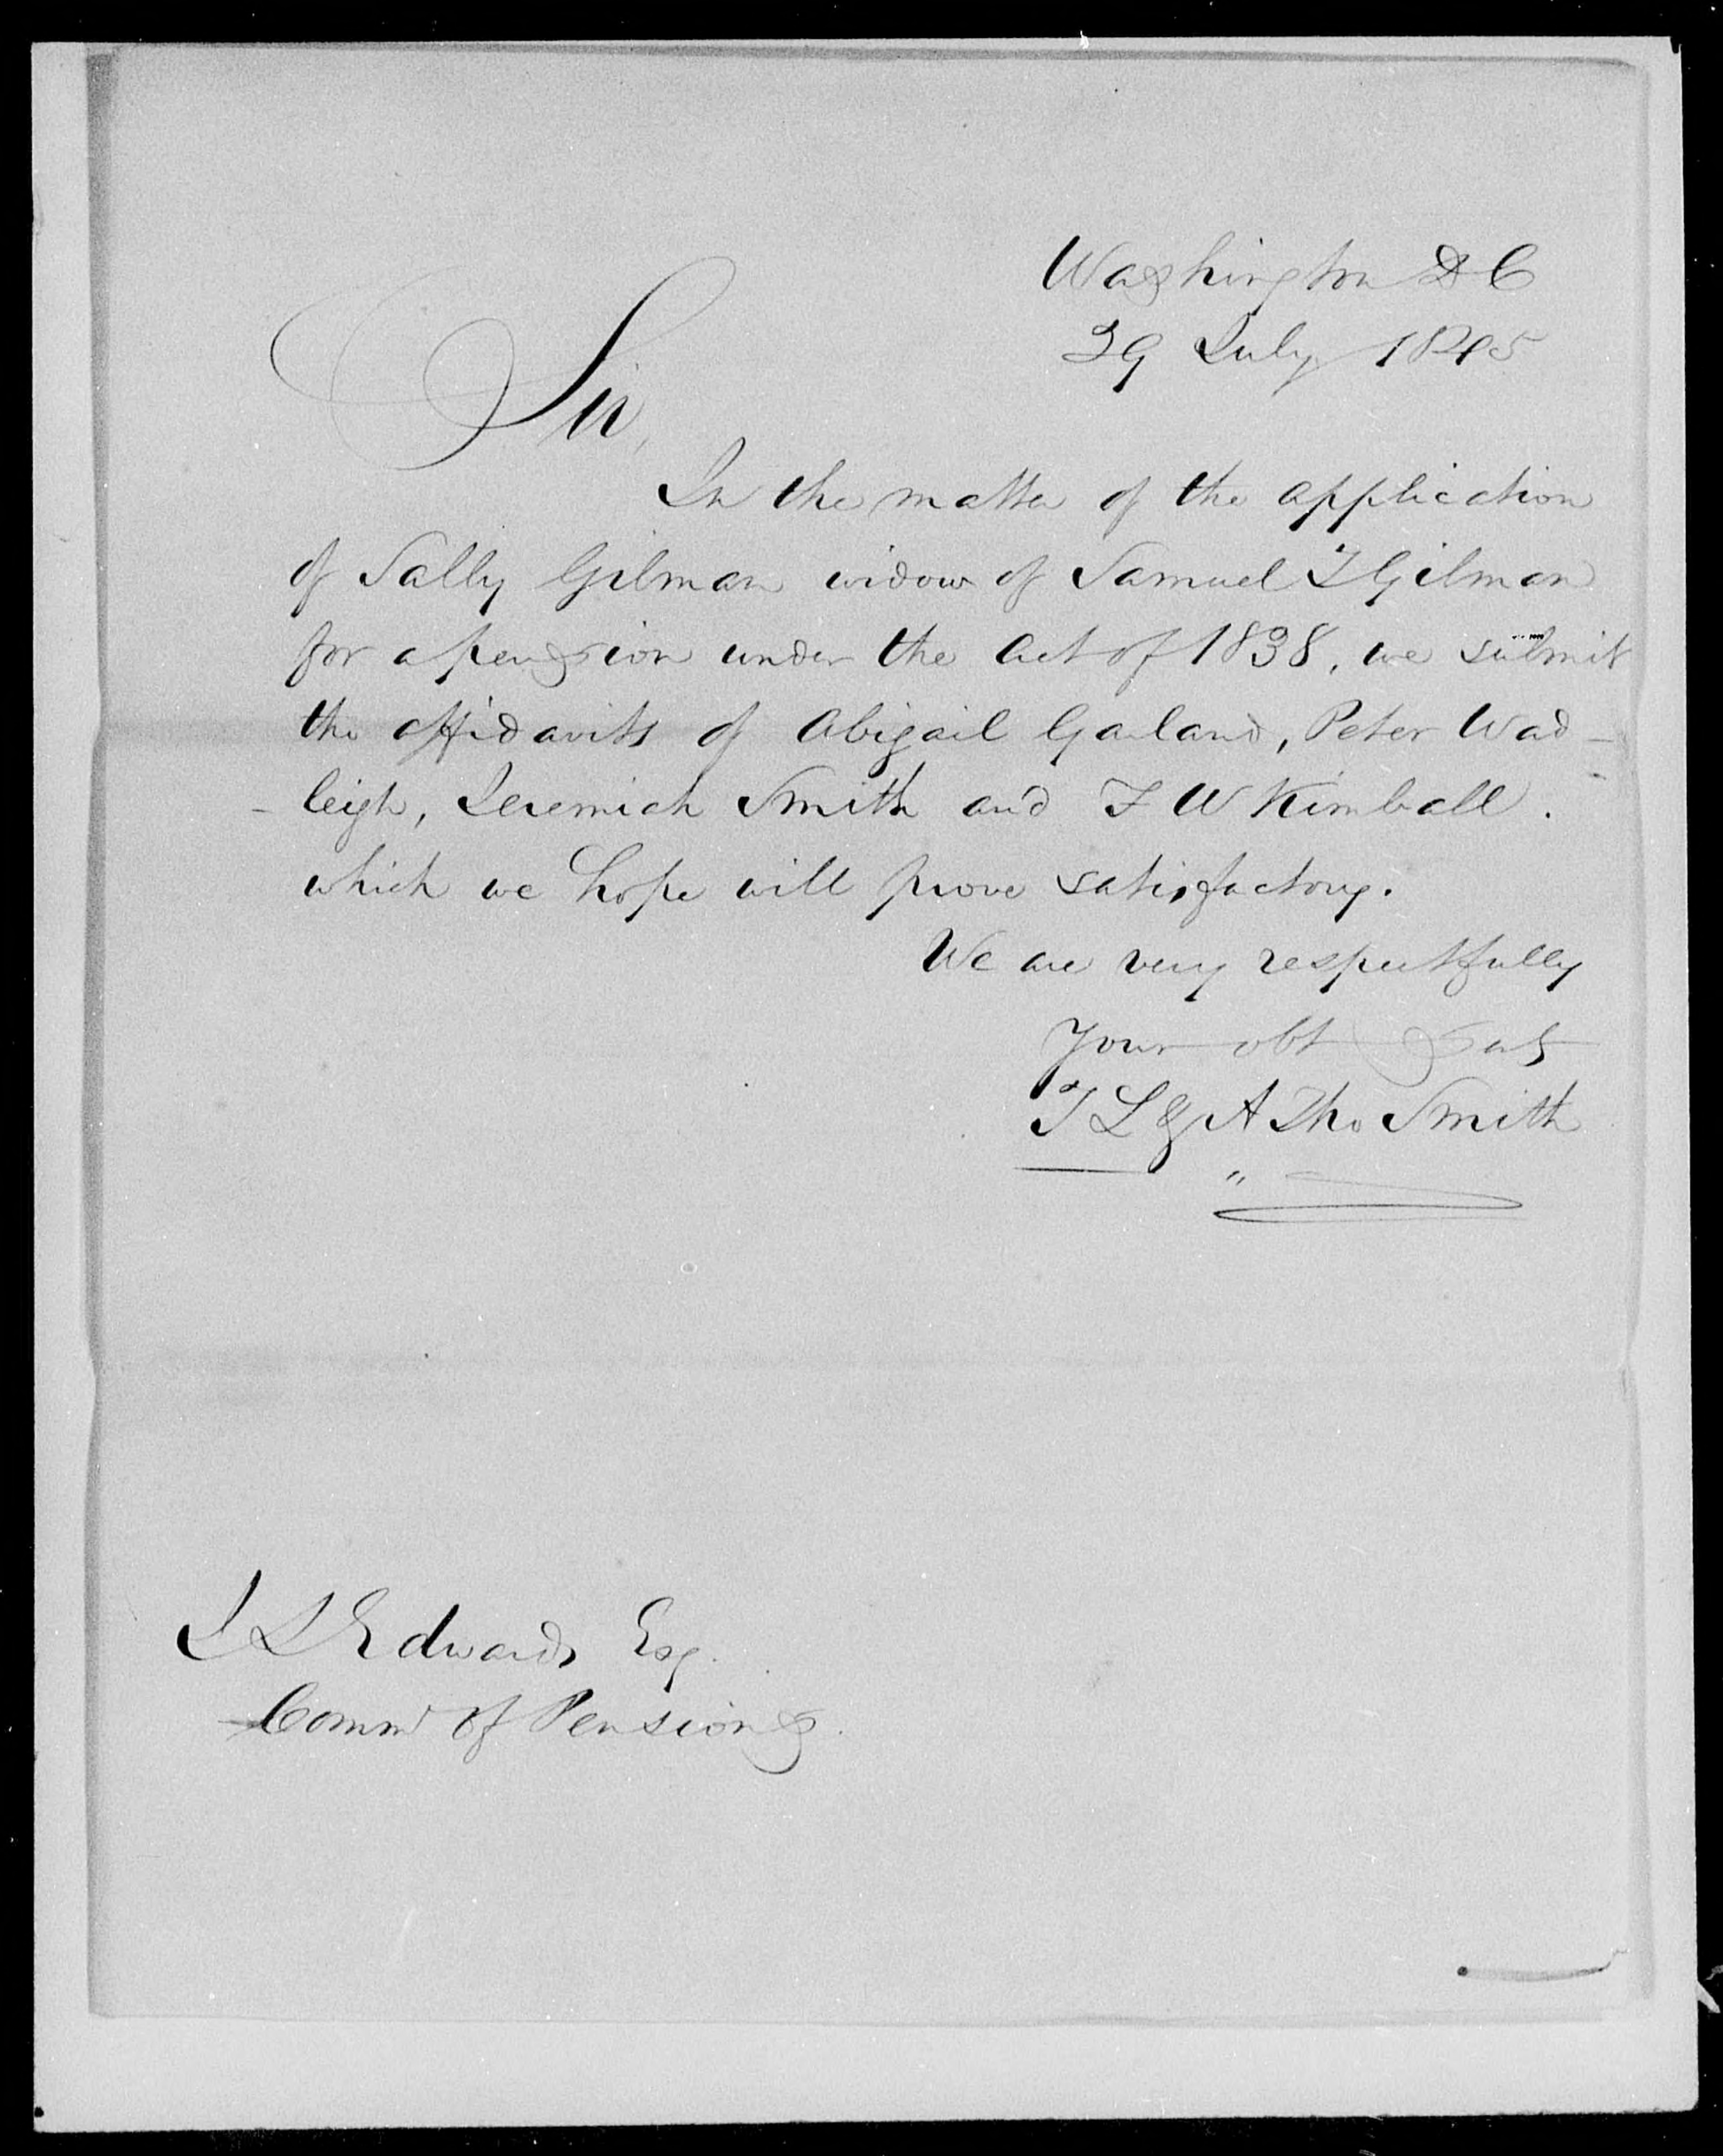Washington DC
29 July 1845

Sir,

In the matter of the application of Sally Gilman widow of Samuel T Gilman for a pension under the act of 1838, we submit the affidavits of Abigail Galand, Peter Wadleigh, Jeremiah Smith and F W Kimball which we hope will prove satisfactory.
We are very respectfully
Your obt svts
T L & A Tho Smith

J L Edwards Esq
Comm of Pensions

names: T L Smith, A Tho Smith, Abigail Garland, J L Edwards, Sally Gilman, F W Kimball, Jeremiah Smith, Samuel T Gilman, Peter Wadleigh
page: 55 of 61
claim: widow's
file: W. 19500, Samuel Thing Gilman, Continental N.H.